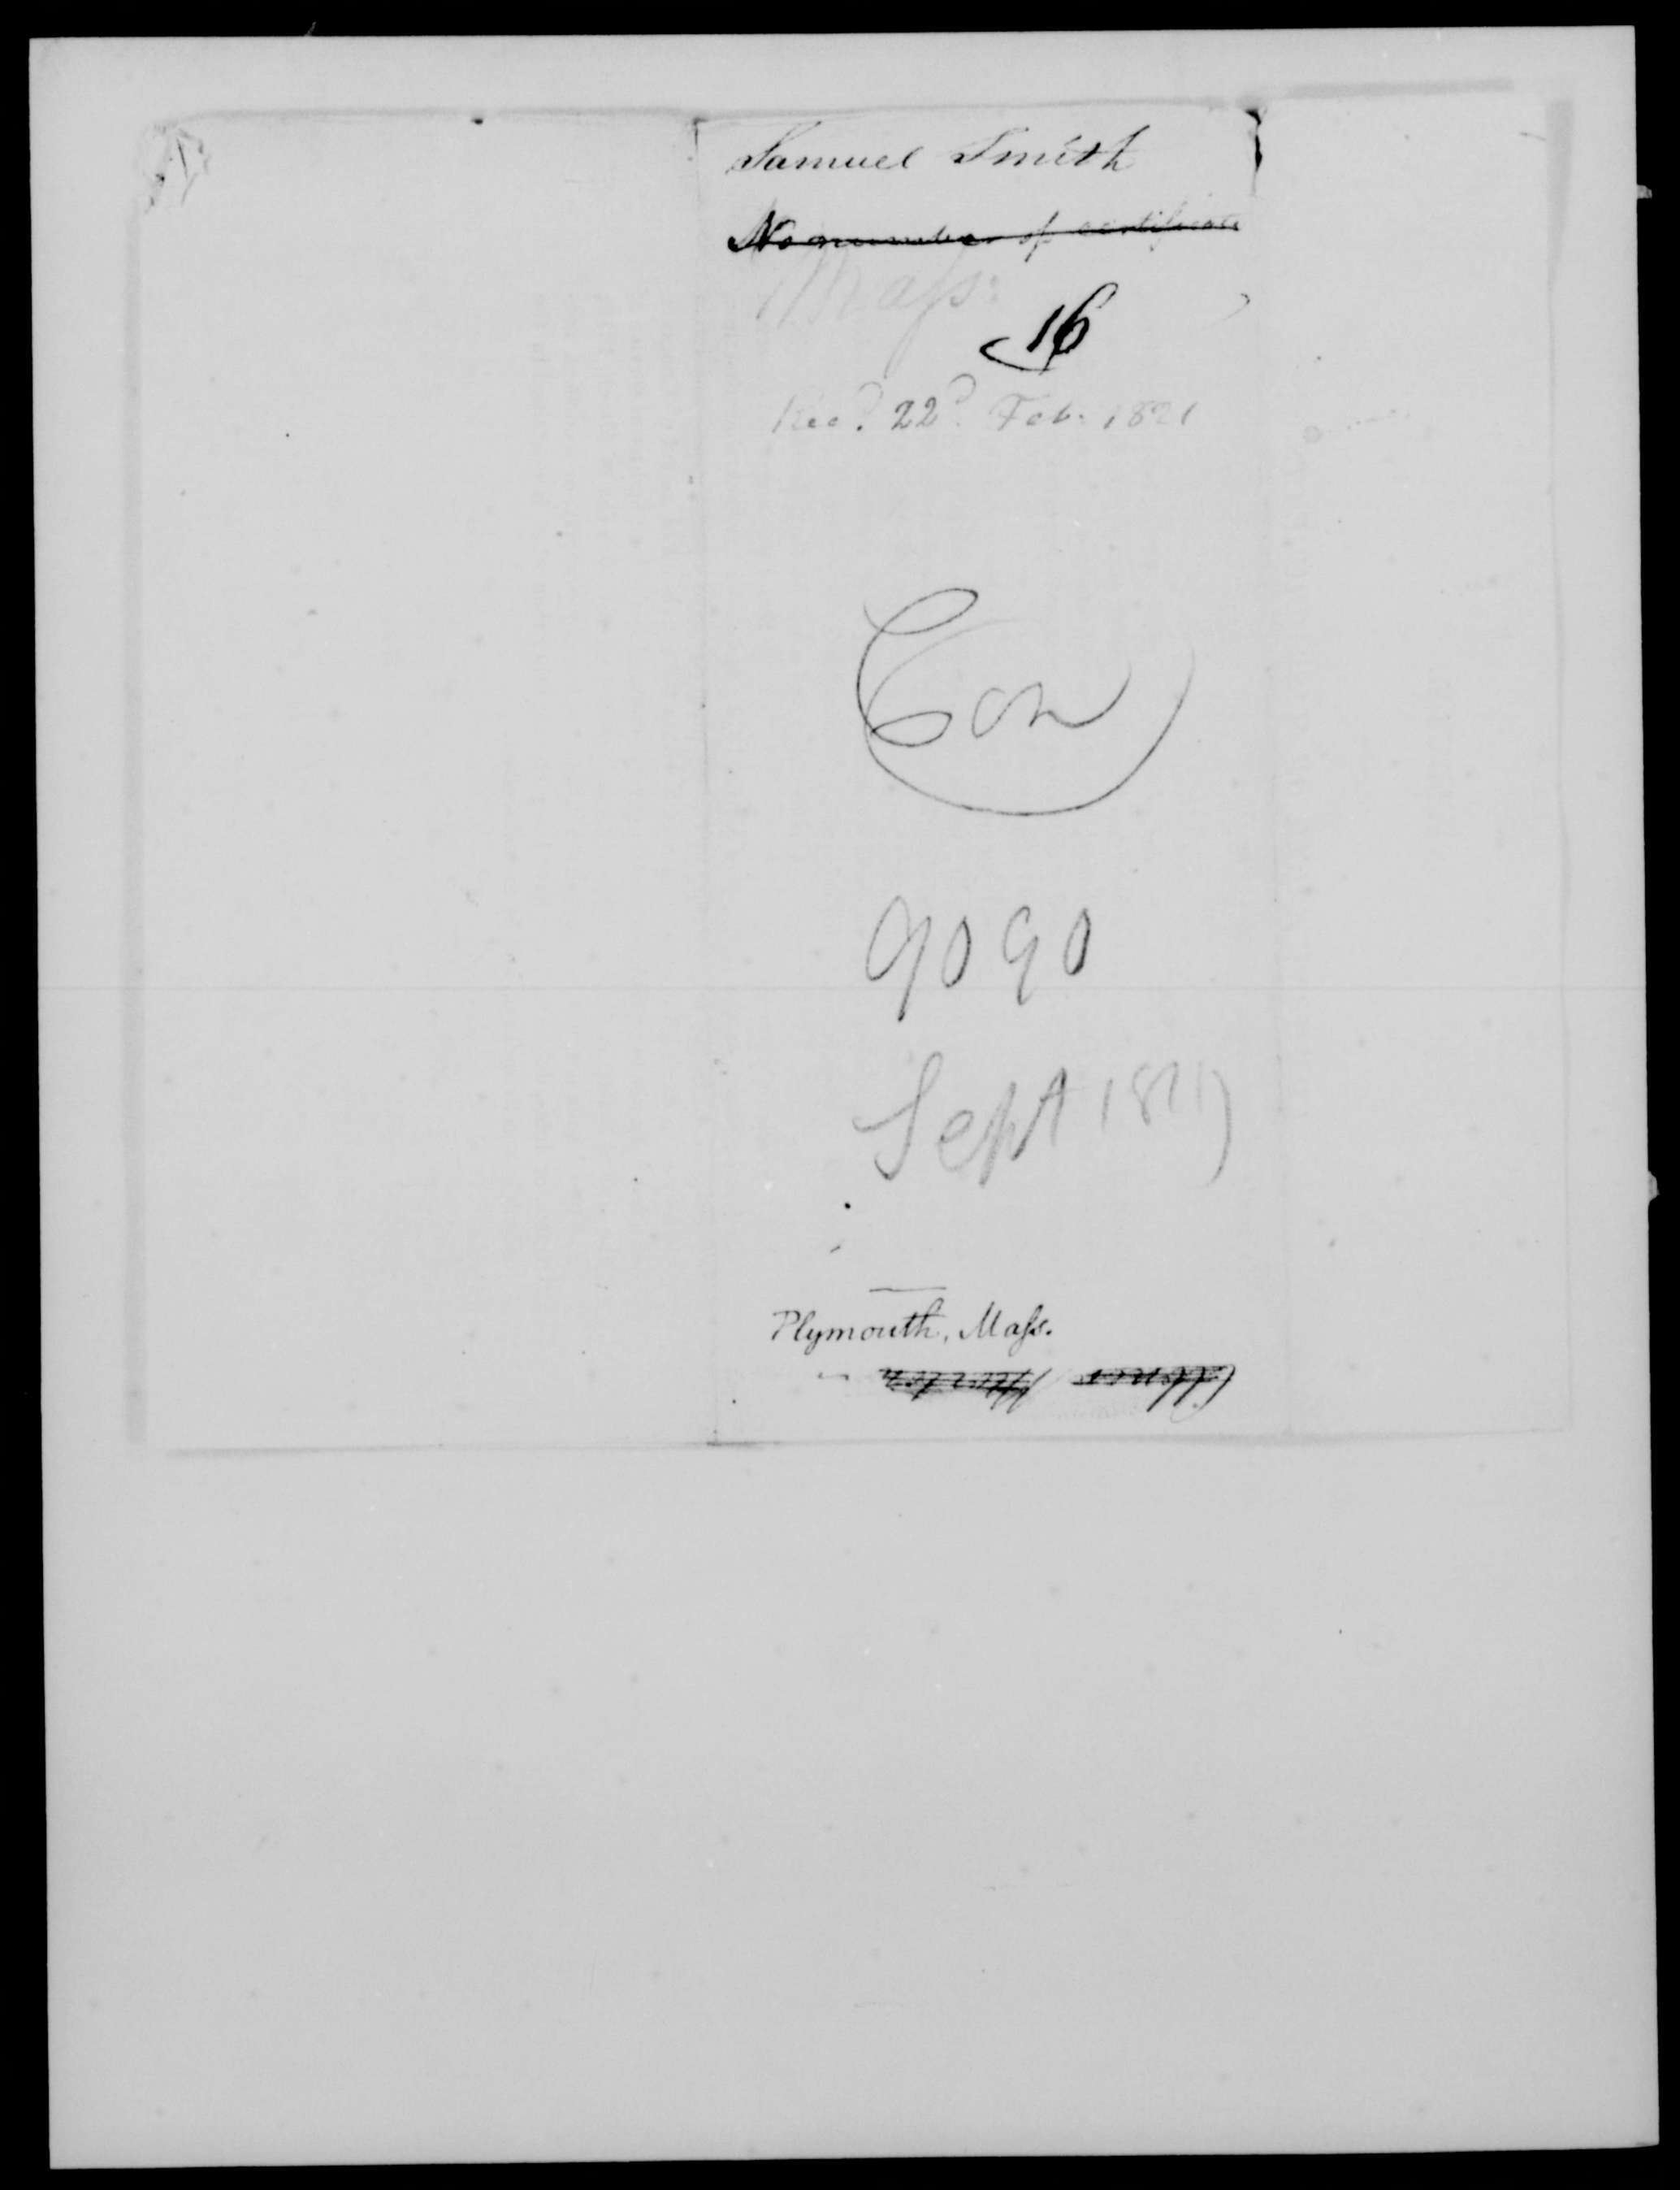Samuel Smith
Mass: 16
Recd. 22nd Feb. 1821
Con
9090
Sept 1811
Plymouth, Mass.
Abner Morton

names: Samuel Smith; Abner Morton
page: 8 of 14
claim: survivor's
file: S. 34,487, for Samuel Smith, Rhode Island